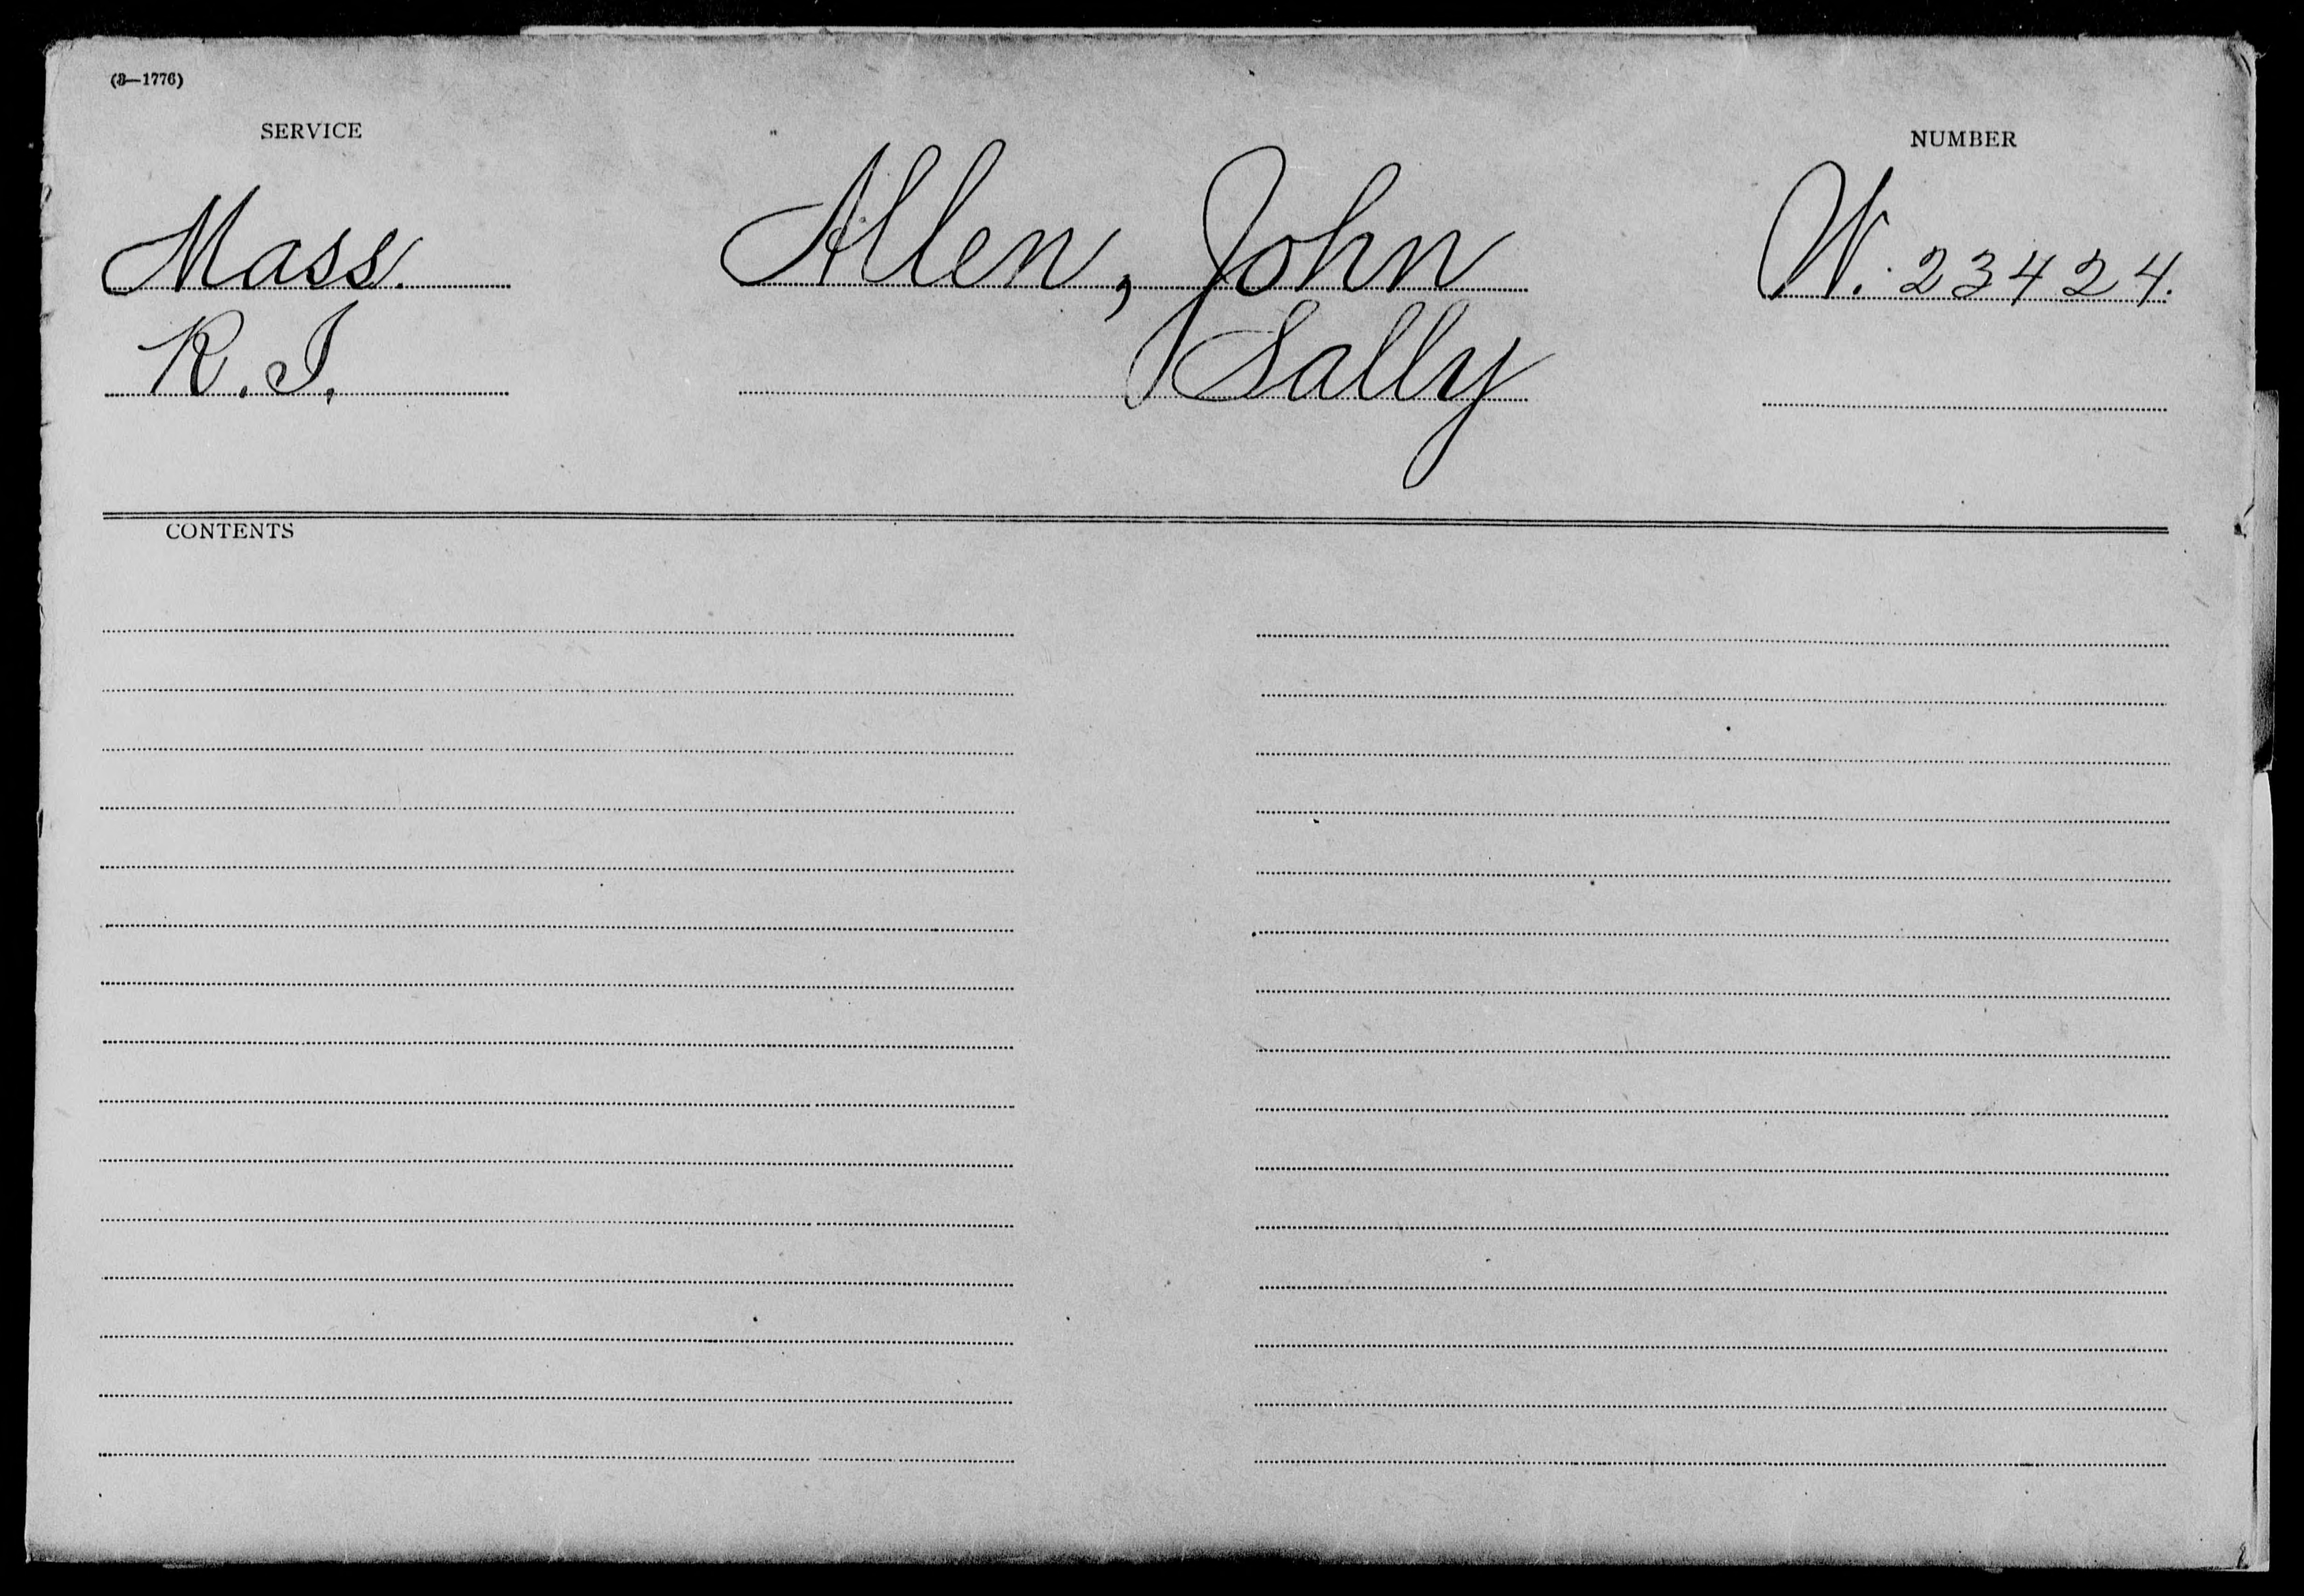(3 - 1776)
SERVICE
Mass.
R.I.

Allen, John
Sally

NUMBER
W. 23424.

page: 1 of 74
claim: widow's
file: W. 23424, John Allen, Mass. R. I.